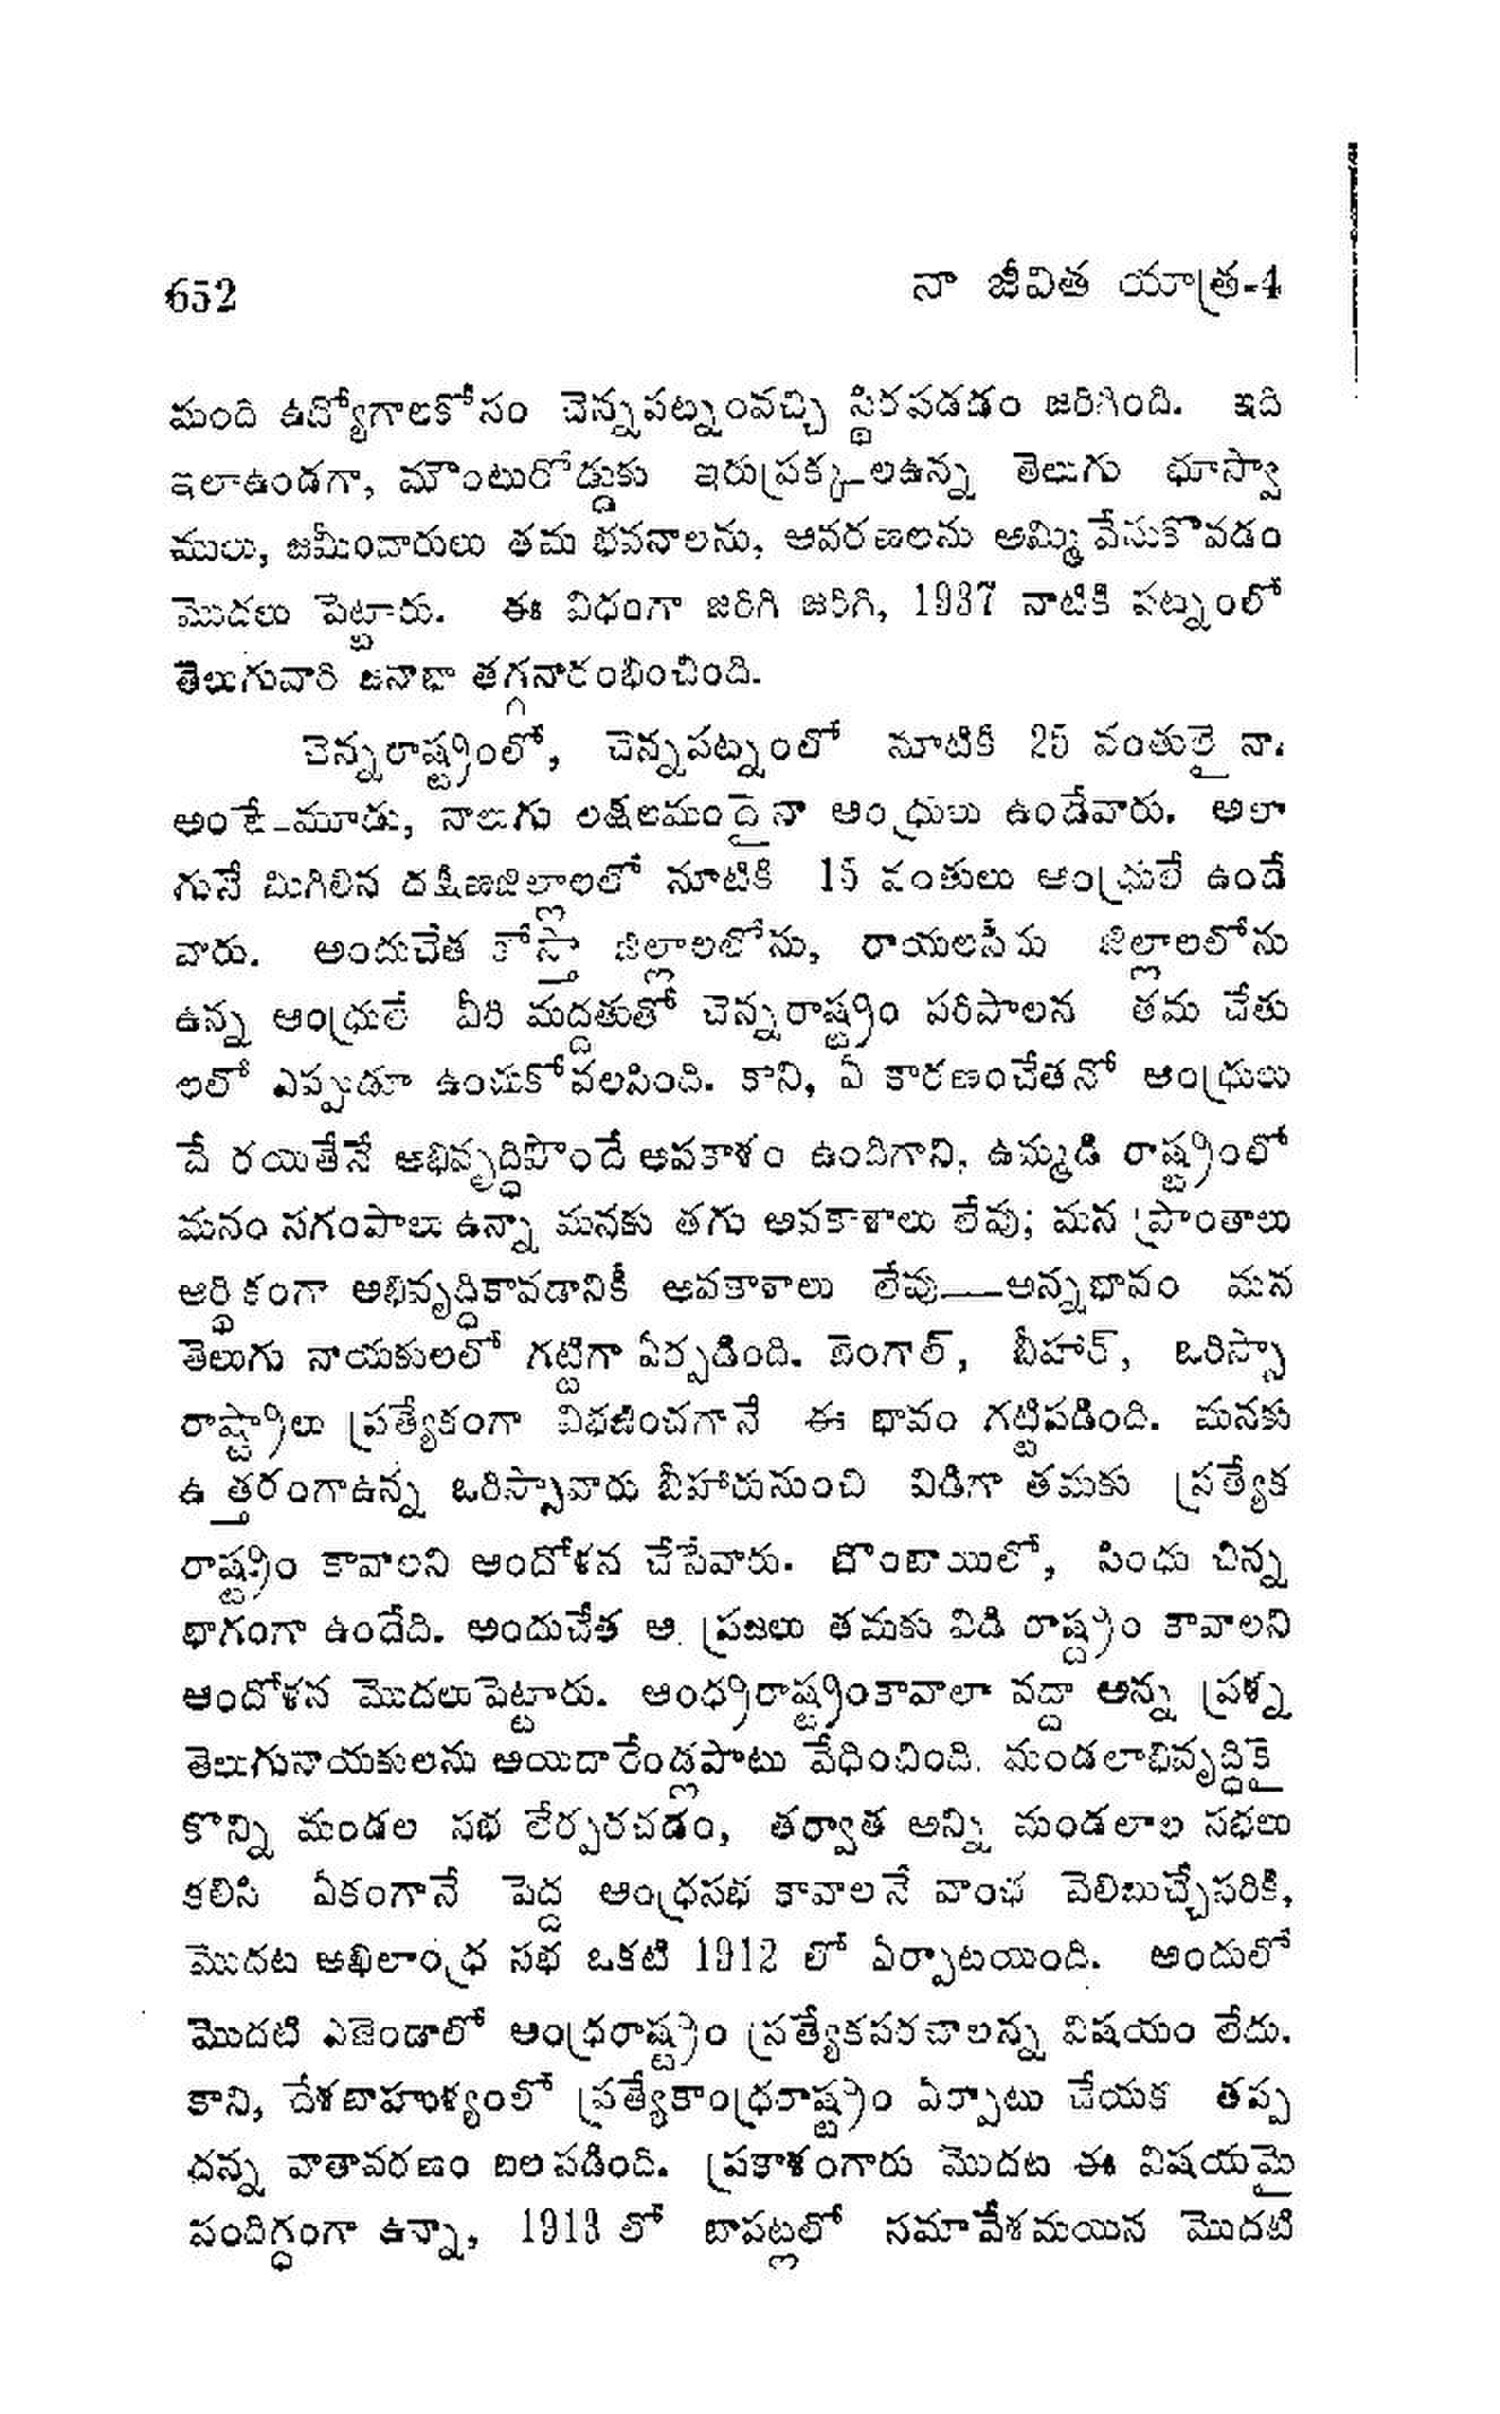మంది ఉద్యోగాలకోసం చెన్నపట్నంవచ్చి స్థిరపడడం జరిగింది. ఇది ఇలాఉండగా, మౌంటు రోడ్డుకు ఇరుప్రక్కల ఉన్న తెలుగు భూస్వాములు, జమీందారులు తమ భవనాలను, ఆవరణలను అమ్మివేసుకొనడం మొదలు పెట్టారు. ఈ విధంగా జరిగి జరిగి, 1937 నాటికి పట్నంలో తెలుగువారి జనాభా తగ్గనారంభించింది.

చెన్నరాష్ట్రంలో, చెన్నపట్నంలో నూటికి 25 వంతులైనా, అంటే మూడు, నాలుగు లక్షలమందైనా ఆంధ్రులు ఉండేవారు. అలాగునే మిగిలిన దక్షిణజిల్లాలలో నూటికి 15 వంతులు ఆంధ్రులే ఉండేవారు. అందుచేత కోస్తా జిల్లాలలోను, రాయలసీమ జల్లాలలోను ఉన్న ఆంధ్రులే వీరి మద్దతుతో చెన్నరాష్ట్రం పరిపాలన తమ చేతులలో ఎప్పుడూ ఉంచు కోవలసింది. కాని, ఏ కారణంచేతనో ఆంధ్రులు వే రయితేనే అభివృద్ధిపొందే అవకాశం ఉందిగాని, ఉమ్మడి రాష్ట్రంలో మనం సగంపాలు ఉన్నా మనకు తగు అవకాశాలు లేవు; మన ప్రాంతాలు ఆర్థికంగా అభివృద్ధికావడానికీ అవకాశాలు లేవు - అన్నభావం మన తెలుగు నాయకులలో గట్టిగా ఏర్పడింది. బెంగాల్, బీహార్, ఒరిస్సా రాష్ట్రాలు ప్రత్యేకంగా విభజించగానే ఈ భావం గట్టిపడింది. మనకు ఉత్తరంగాఉన్న ఒరిస్సావారు బీహారునుంచి విడిగా తమకు ప్రత్యేక రాష్ట్రం కావాలని ఆందోళన చేసేవారు. బొంబాయిలో, సింధు చిన్న భాగంగా ఉండేది. అందుచేత ఆ ప్రజలు తమకు విడి రాష్ట్రం కావాలని ఆందోళన మొదలుపెట్టారు. ఆంధ్రరాష్ట్రం కావాలా వద్దా అన్న ప్రశ్న తెలుగునాయకులను అయిదారేండ్లపాటు వేధించింది. మండలా భివృద్ధికై కొన్ని మండల సభ లేర్పరచడం, తర్వాత అన్ని మండలాల సభలు కలిసి ఏకంగానే పెద్ద ఆంధ్రసభ కావాలనే వాంఛ వెలిబుచ్చేసరికి, మొదట అఖిలాంధ్ర సభ ఒకటి 1912 లో ఏర్పాటయింది. అందులో మొదటి ఎజెండాలో ఆంధ్రరాష్ట్రం ప్రత్యేకపరచాలన్న విషయం లేదు. కాని, దేశబాహుళ్యంలో ప్రత్యేకాంధ్రరాష్ట్రం ఏర్పాటు చేయక తప్పదన్న వాతావరణం బలపడింది. ప్రకాశంగారు మొదట ఈ విషయమై సందిగ్ధంగా ఉన్నా, 1913 లో బాపట్లలో సమావేశమయిన మొదటి